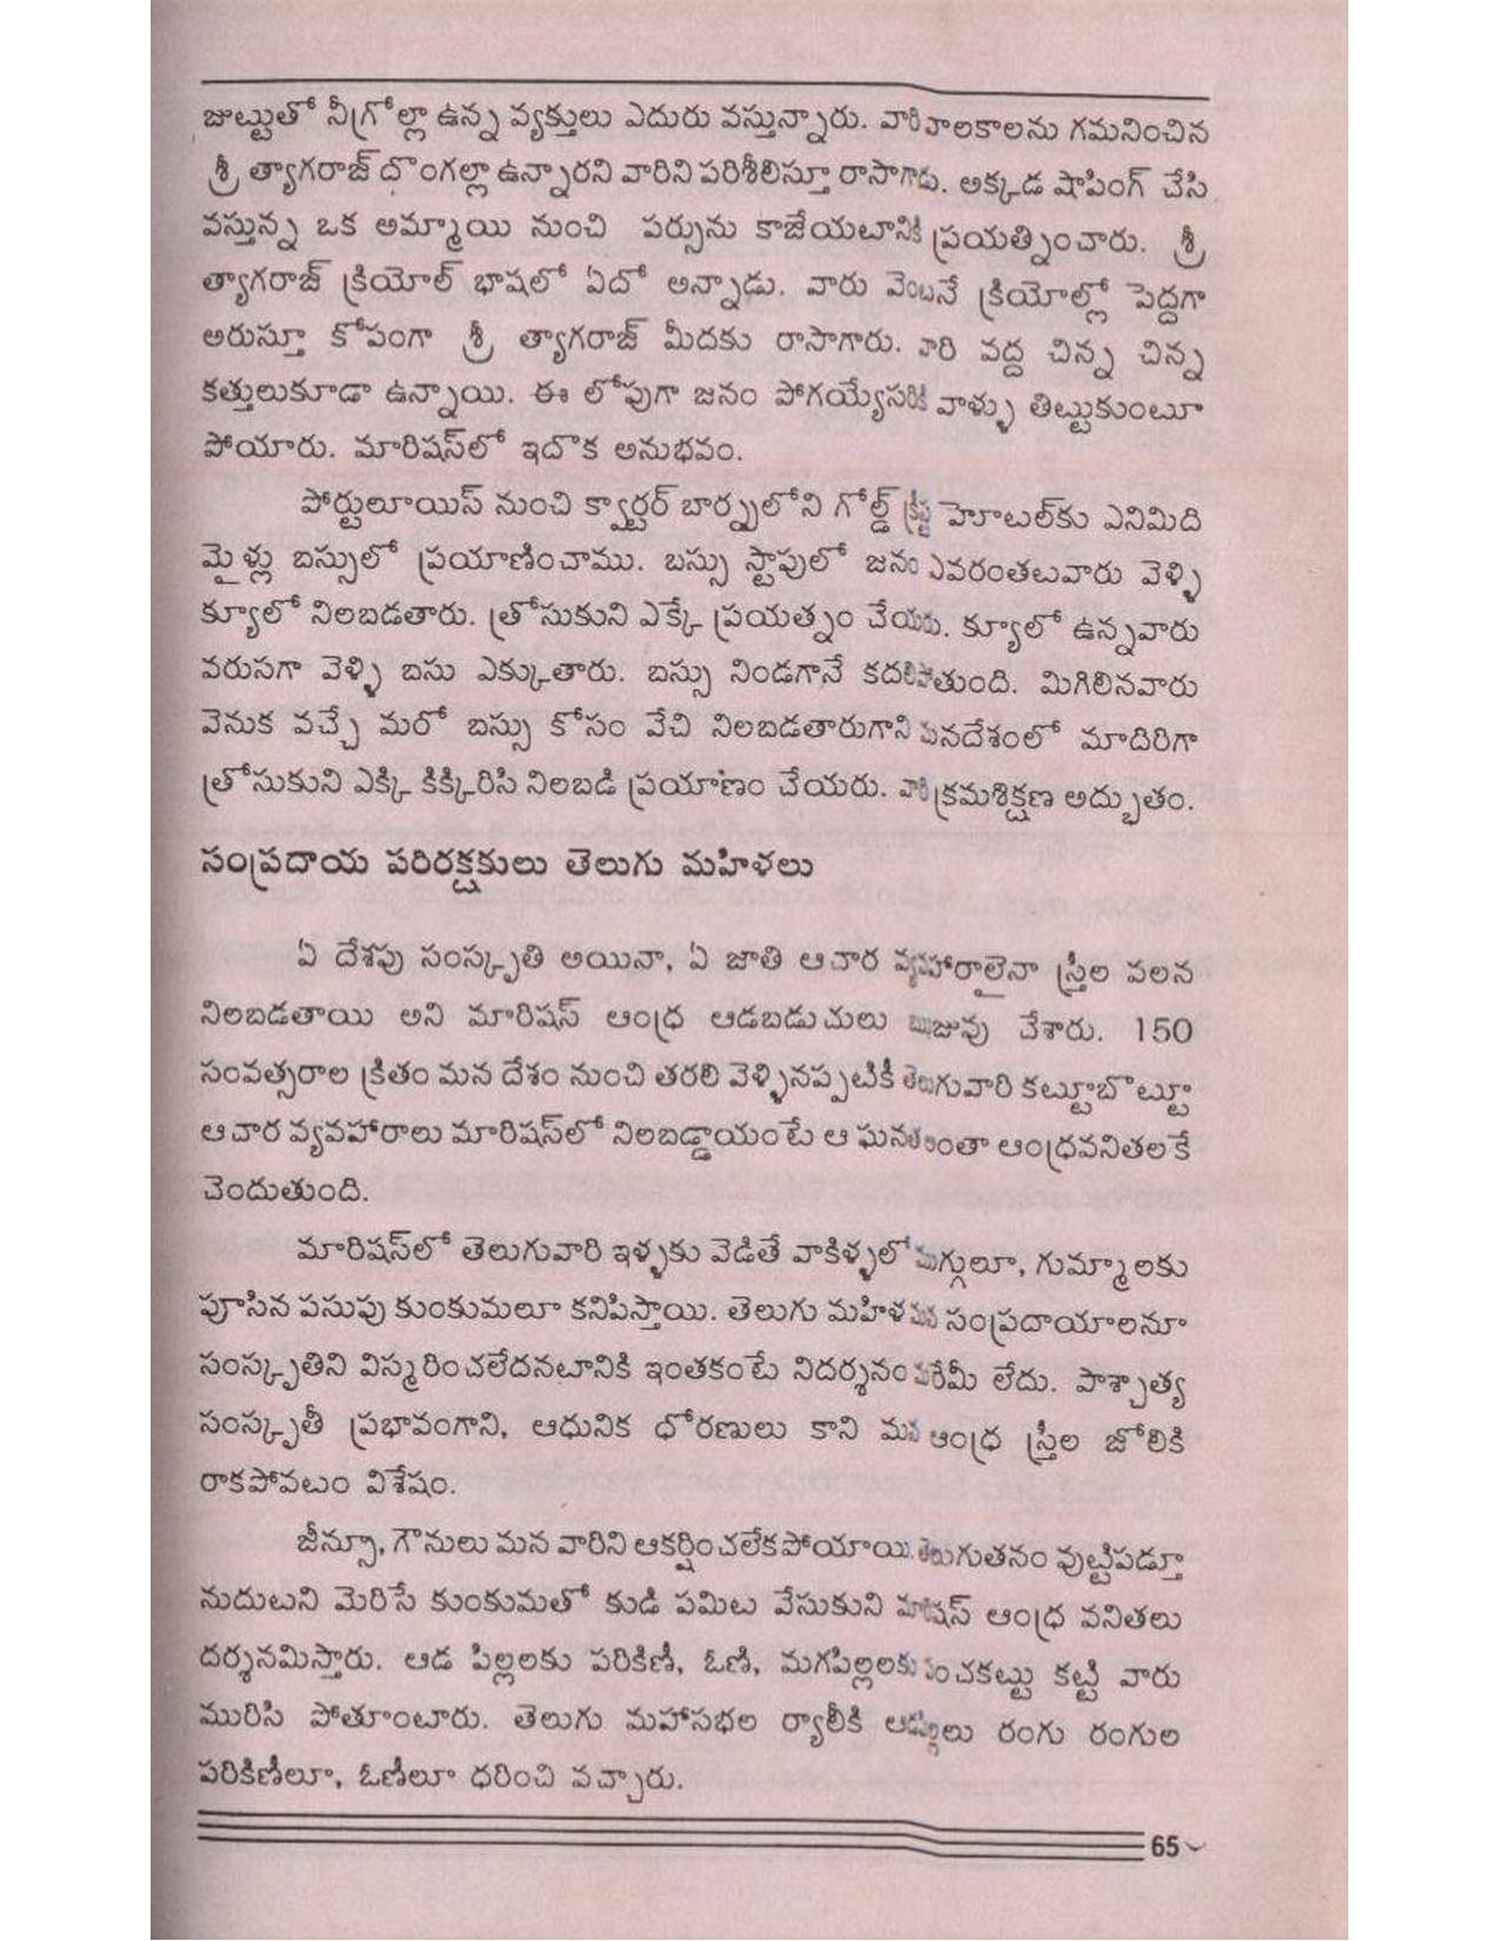జుట్టుతో నీగ్రోల్లా ఉన్న వ్యక్తులు ఎదురు వస్తున్నారు. వారివాలకాలను గమనించిన శ్రీ త్యాగరాజ్ దొంగల్లా ఉన్నారని వారిని పరిశీలిస్తూ రాసాగారు. అక్కడ షాపింగ్ చేసి వస్తున్న ఒక అమ్మాయి నుంచి పర్సును కాజేయటానికి ప్రయత్నించారు. శ్రీ త్యాగరాజ్ క్రియోల్ భాషలో ఏదో అన్నాడు. వారు వెంటనే క్రియోల్లో పెద్దగా అరుస్తూ కోపంగా శ్రీ త్యాగరాజ్ మీదకు రాసాగారు. వారి వద్ద చిన్న చిన్న కత్తులుకూడా ఉన్నాయి. ఈ లోపుగా జనం పోగయ్యేసరికి వాళ్ళు తిట్టుకుంటూ పోయారు. మారిషస్‌లో ఇదొక అనుభవం.

పోర్టులూయిస్ నుంచి క్వార్టర్ బార్నలోని గోల్డ్ క్రిస్ట్ హోటల్‌కుఎనిమిది మైళ్లు బస్సులో ప్రయాణించాము. బస్సు స్టాపులో జనం ఎవరంతటవారు వెళ్ళి క్యూలో నిలబడతారు. త్రోసుకుని ఎక్కే ప్రయత్నం చేయరు. క్యూలో ఉన్నవారు వరుసగా వెళ్ళి బసు ఎక్కుతారు. బస్సు నిండగానే కదలిపోతుంది. మిగిలినవారు వెనుక వచ్చే మరో బస్సు కోసం వేచి నిలబడతారుగాని మనదేశంలో మాదిరిగా త్రోసుకుని ఎక్కి కిక్కిరిసి నిలబడి ప్రయాణం చేయరు. వారిక్రమశిక్షణ అద్భుతం.

సంప్రదాయ పరిరక్షకులు తెలుగు మహిళలు

ఏ దేశపు సంస్కృతి అయినా, ఏ జాతి ఆచార వ్యవహారాలైనా స్త్రీల వలన నిలబడతాయి అని మారిషస్ ఆంధ్ర ఆడబడుచులు రుజువు చేశారు. 150 సంవత్సరాల క్రితం మన దేశం నుంచి తరలి వెళ్ళినప్పటికీ తెలుగువారి కట్టూబొట్టూ ఆచార వ్యవహారాలు మారిషస్‌లో నిలబడ్డాయంటే ఆ ఘనతంతా ఆంధ్రవనితలకే చెందుతుంది.

మారిషస్‌లో తెలుగువారి ఇళ్ళకు వెడితే వాకిళ్ళలో ముగ్గులూ, గుమ్మాలకు పూసిన పసుపు కుంకుమలూ కనిపిస్తాయి. తెలుగు మహిళ మన సంప్రదాయాలనూ సంస్కృతిని విస్మరించలేదనటానికి ఇంతకంటే నిదర్శనం మరేమీ లేదు. పాశ్చాత్య సంస్కృతీ ప్రభావంగాని, ఆధునిక ధోరణులు కాని మన ఆంధ్ర స్త్రీల జోలికి రాకపోవటం విశేషం.

జీన్సూ గౌనులు మన వారిని ఆకర్షించలేకపోయాయి తెలుగుతనం వుట్టిపడ్తూ నుదుటని మెరిసే కుంకుమతో కుడి పమిట వేసుకుని మారిషస్ ఆంధ్ర వనితలు దర్శనమిస్తారు. ఆడ పిల్లలకు పరికిణీ, ఓణి, మగపిల్లలకు పంచకట్టు కట్టి వారు మురిసి పోతూంటూరు, తెలుగు మహాసభల ర్యాలీకి ఆడపిల్లలు రంగు రంగుల పరికిణీలూ, ఓణీలూ ధరించి వచ్చారు.